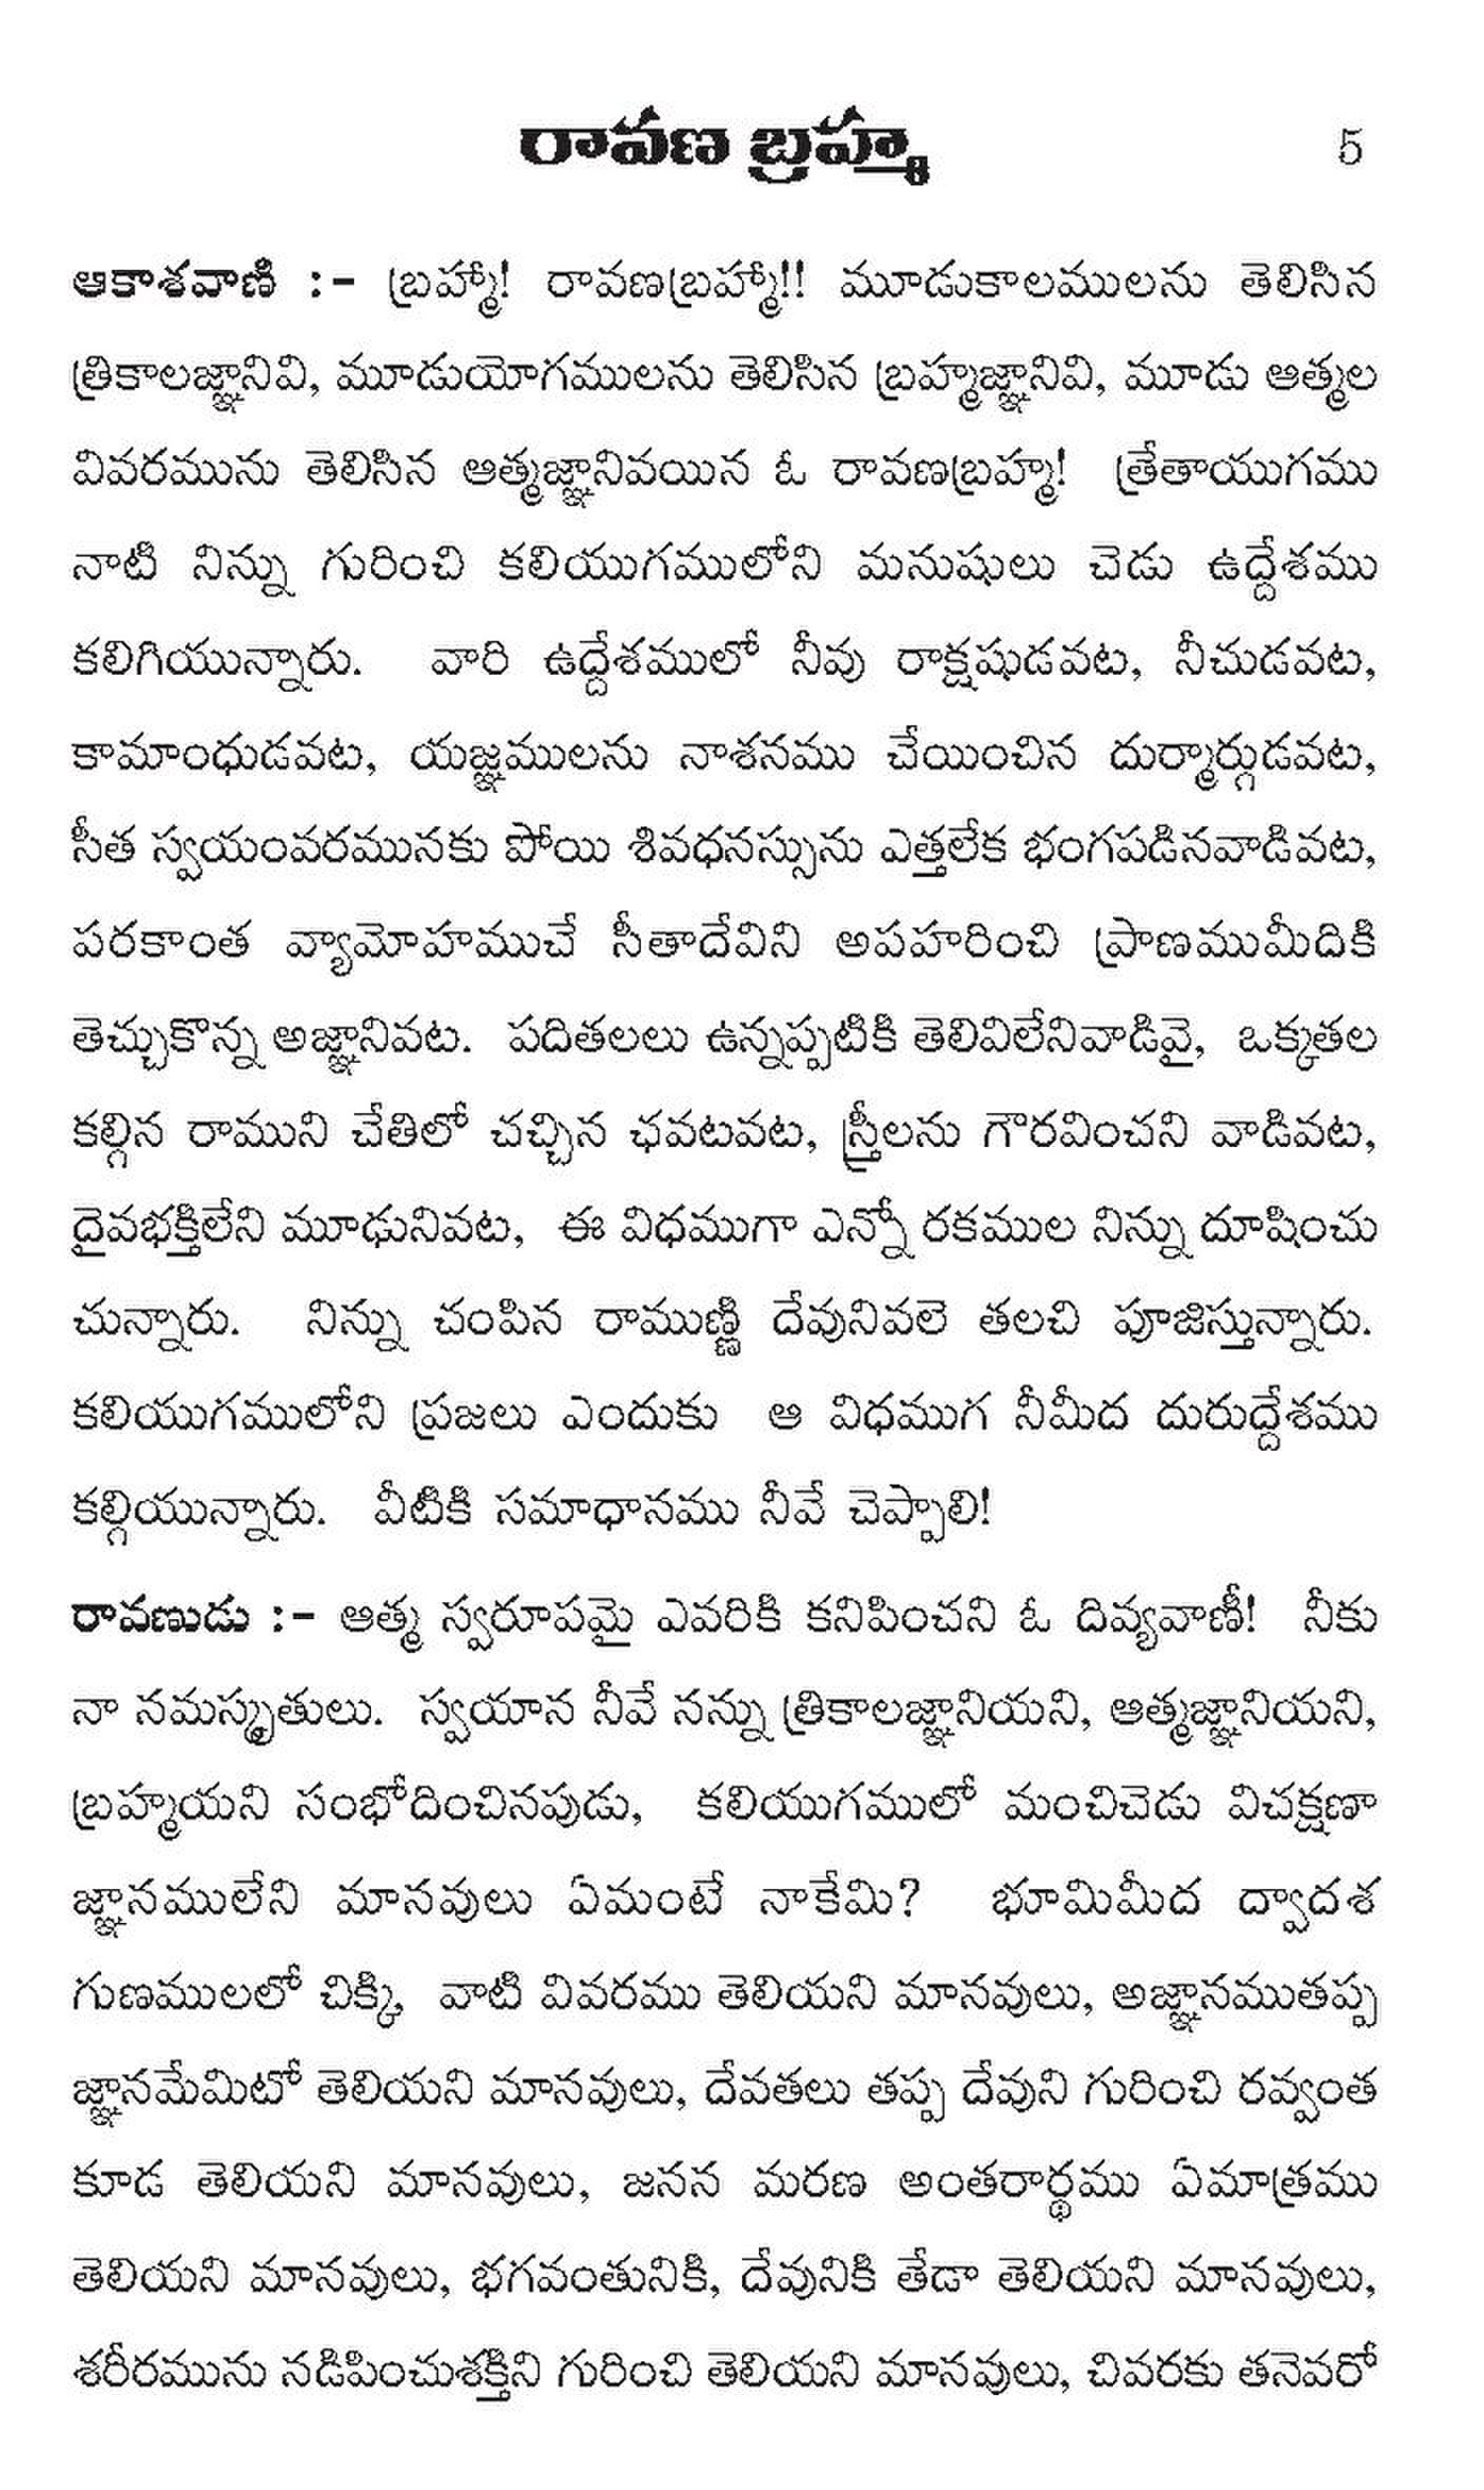ఆకాశవాణి :- బ్రహ్మా! రావణబ్రహ్మా!! మూడుకాలములను తెలిసిన త్రికాలజ్ఞానివి, మూడు యోగములను తెలిసిన బ్రహ్మజ్ఞానివి, మూడు ఆత్మల వివరమును తెలిసిన ఆత్మజ్ఞానివయిన ఓ రావణబ్రహ్మ! త్రేతాయుగము నాటి నిన్ను గురించి కలియుగములోని మనుషులు చెడు ఉద్దేశము కలిగియున్నారు. వారి ఉద్దేశములో నీవు రాక్షషుడవట, నీచుడవట, కామాంధుడవట, యజ్ఞములను నాశనము చేయించిన దుర్మార్గుడవట, సీత స్వయంవరమునకు పోయి శివధనస్సును ఎత్తలేక భంగపడినవాడివట, పరకాంత వ్యామోహముచే సీతాదేవిని అపహరించి ప్రాణముమీదికి తెచ్చుకొన్న అజ్ఞానివట. పదితలలు ఉన్నప్పటికి తెలివిలేనివాడివై, ఒక్కతల కల్గిన రాముని చేతిలో చచ్చిన ఛవటవట, స్త్రీలను గౌరవించని వాడివట, దైవభక్తిలేని మూఢునివట, ఈ విధముగా ఎన్నో రకముల నిన్ను దూషించుచున్నారు. నిన్ను చంపిన రాముణ్ణి దేవునివలె తలచి పూజిస్తున్నారు. కలియుగములోని ప్రజలు ఎందుకు ఆ విధముగ నీమీద దురుద్దేశము కల్గియున్నారు. వీటికి సమాధానము నీవే చెప్పాలి!

రావణుడు :- ఆత్మ స్వరూపమై ఎవరికి కనిపించని ఓ దివ్యవాణీ! నీకు నా నమస్కృతులు. స్వయాన నీవే నన్ను త్రికాలజ్ఞానియని, ఆత్మజ్ఞానియని, బ్రహ్మయని సంభోదించినపుడు, కలియుగములో మంచిచెడు విచక్షణా జ్ఞానములేని మానవులు ఏమంటే నాకేమి? భూమిమీద ద్వాదశ గుణములలో చిక్కి, వాటి వివరము తెలియని మానవులు, అజ్ఞానముతప్ప జ్ఞానమేమిటో తెలియని మానవులు, దేవతలు తప్ప దేవుని గురించి రవ్వంత కూడ తెలియని మానవులు, జనన మరణ అంతరార్థము ఏమాత్రము తెలియని మానవులు, భగవంతునికి, దేవునికి తేడా తెలియని మానవులు, శరీరమును నడిపించుశక్తిని గురించి తెలియని మానవులు, చివరకు తనెవరో